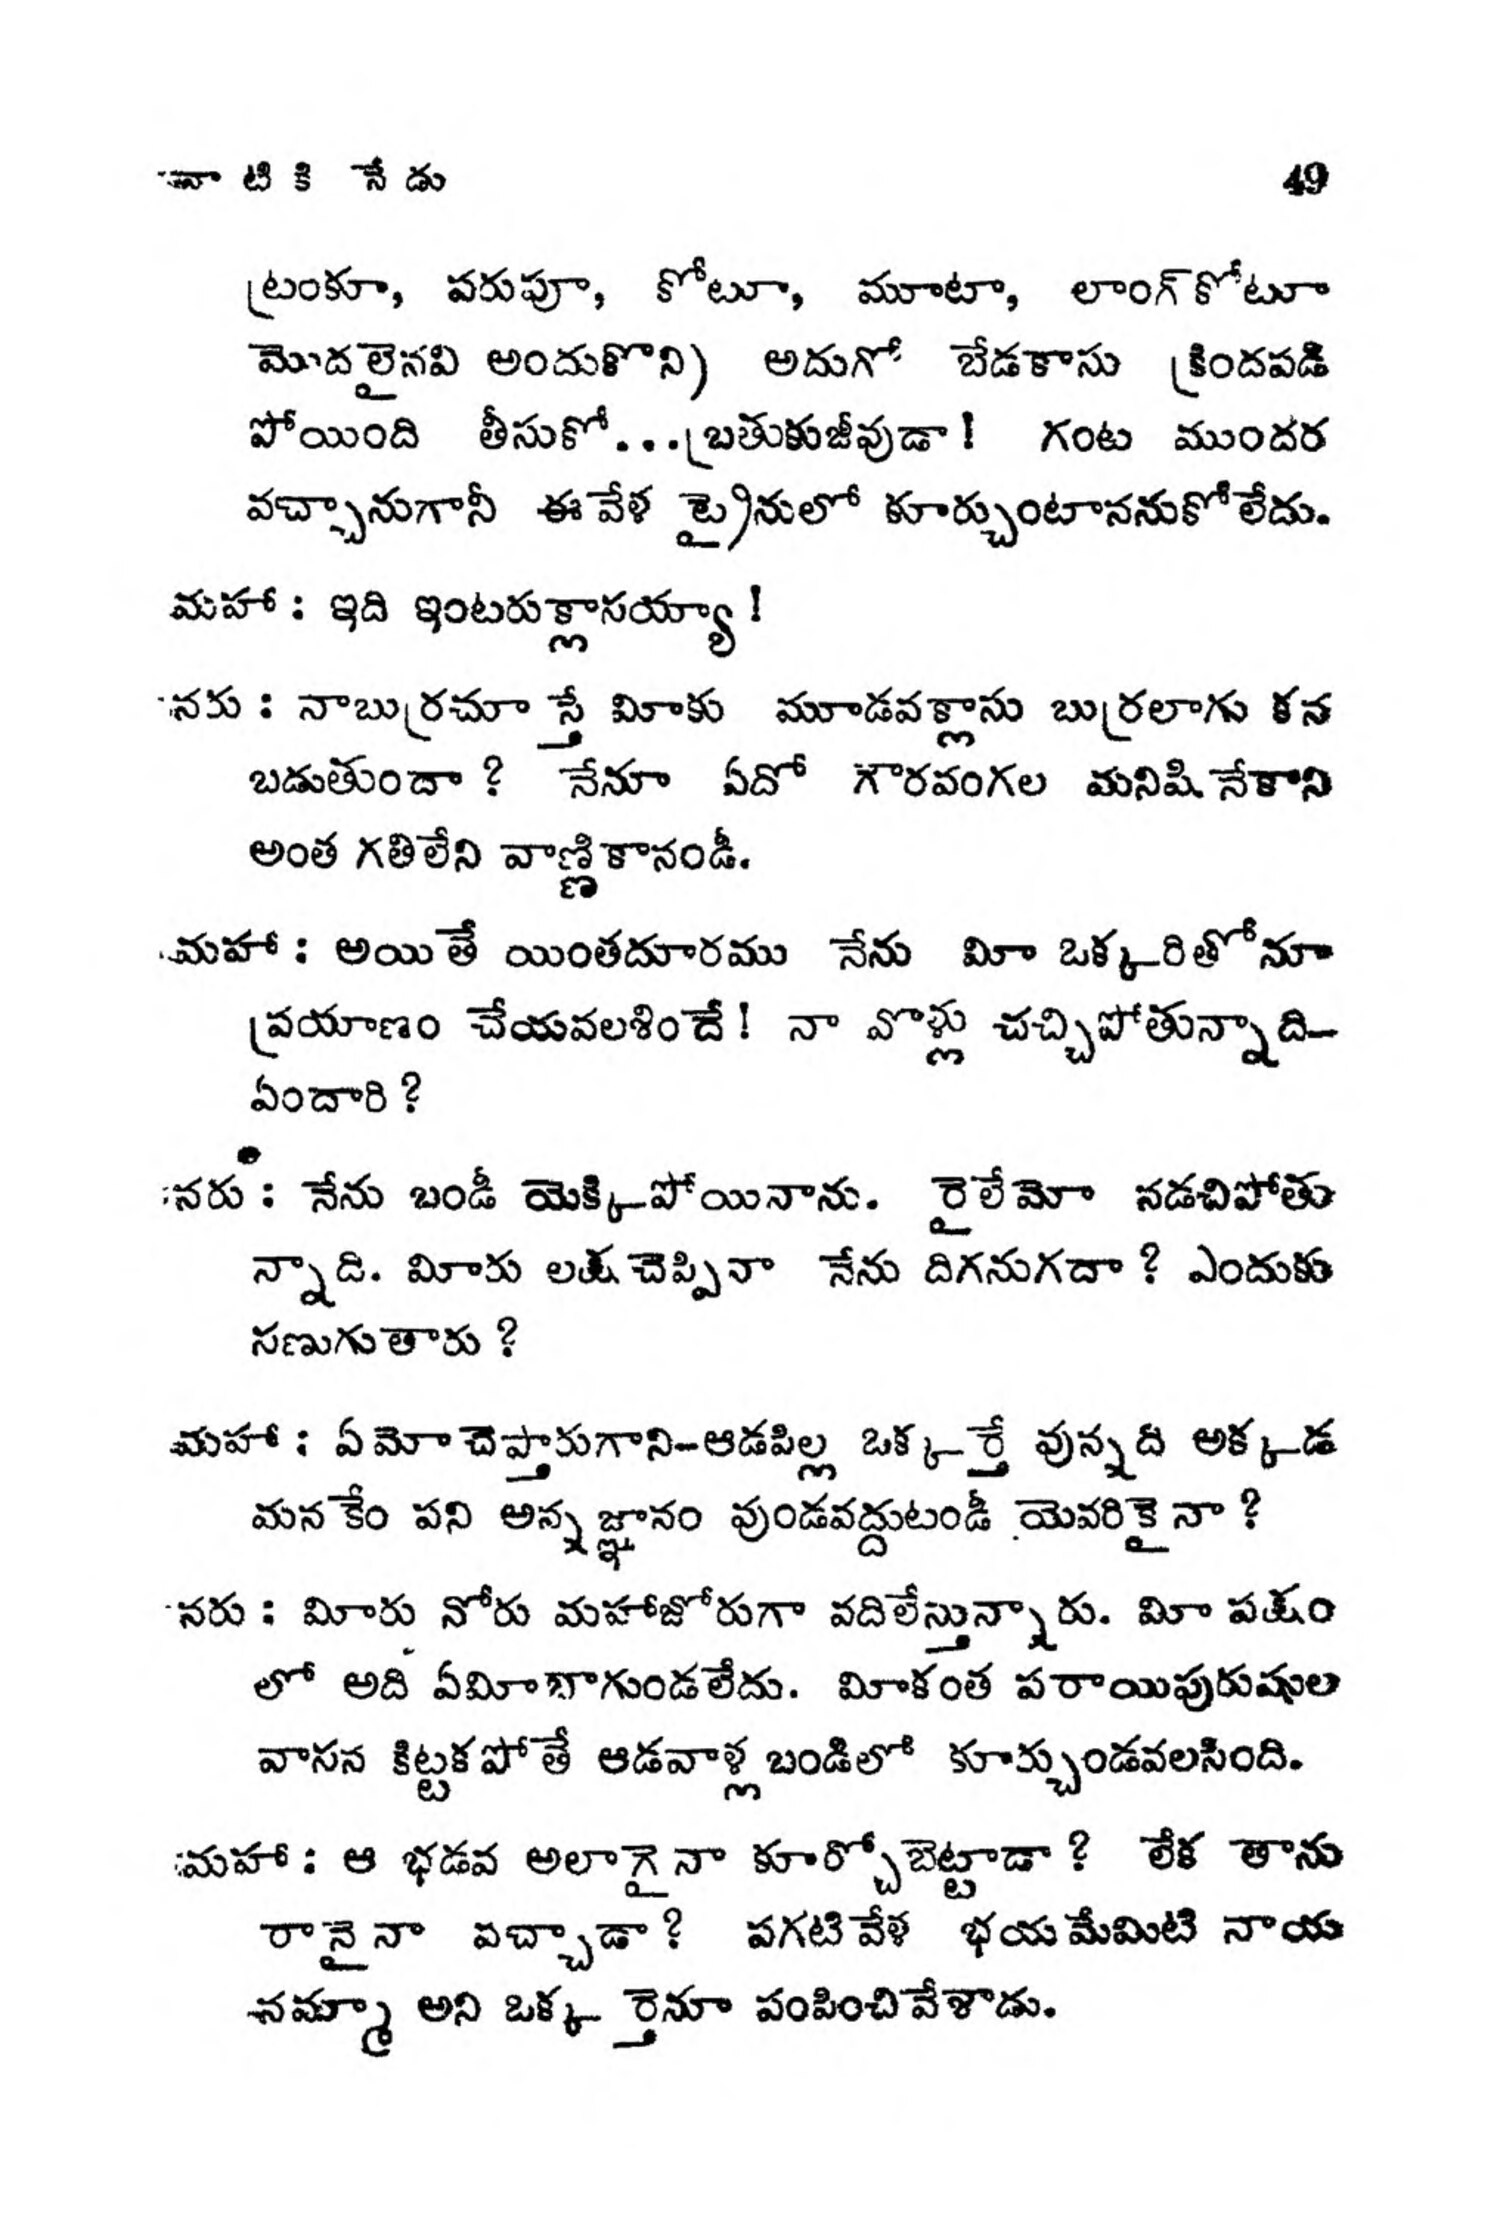ట్రంకూ, పరుపూ, కోటూ, మూటా, లాంగ్‌కోటూ మొదలైనవి అందుకొని) అదుగో బేడకాసు క్రిందపడిపోయింది తీసుకో... బ్రతుకుజీవుడా! గంట ముందర వచ్చానుగానీ ఈ వేళ ట్రైనులో కూర్చుంటాననుకోలేదు.

మహా : ఇది ఇంటరుక్లాసయ్యా !

నరు : నాబుర్రచూస్తే మీకు మూడవక్లాసు బుర్రలాగు కనబడుతుందా ? నేనూ ఏదో గౌరవంగల మనిషినేకాని అంత గతిలేని వాణ్ణికానండీ.

మహా : అయితే యింతదూరము నేను మీ ఒక్కరితోనూ ప్రయాణం చేయవలశిందే ! నా వొళ్లు చచ్చిపోతున్నాది-
ఏందారి ?

నరు : నేను బండీ యెక్కిపోయినాను. రైలేమో నడచిపోతున్నాది. మీరు లక్షచెప్పినా నేను దిగనుగదా ? ఎందుకు
సణుగుతారు ?

మహా : ఏమోచెప్తారుగాని - ఆడపిల్ల ఒక్కర్తే వున్నది అక్కడ మనకేం పని అన్న జ్ఞానం వుండవద్దుటండీ యెవరికైనా?

నరు: మీరు నోరు మహాజోరుగా వదిలేస్తున్నారు. మీ పక్షంలో అది ఏమీబాగుండలేదు. మీకంత పరాయిపురుషుల
వాసన కిట్టకపోతే ఆడవాళ్ల బండిలో కూర్చుండవలసింది.

మహా : ఆ భడవ అలాగైనా కూర్చోబెట్టాడా ? లేక తాను రానైనా వచ్చాడా ? పగటివేళ భయమేమిటి నాయనమ్మా అని ఒక్క ర్తెనూ పంపించివేశాడు.